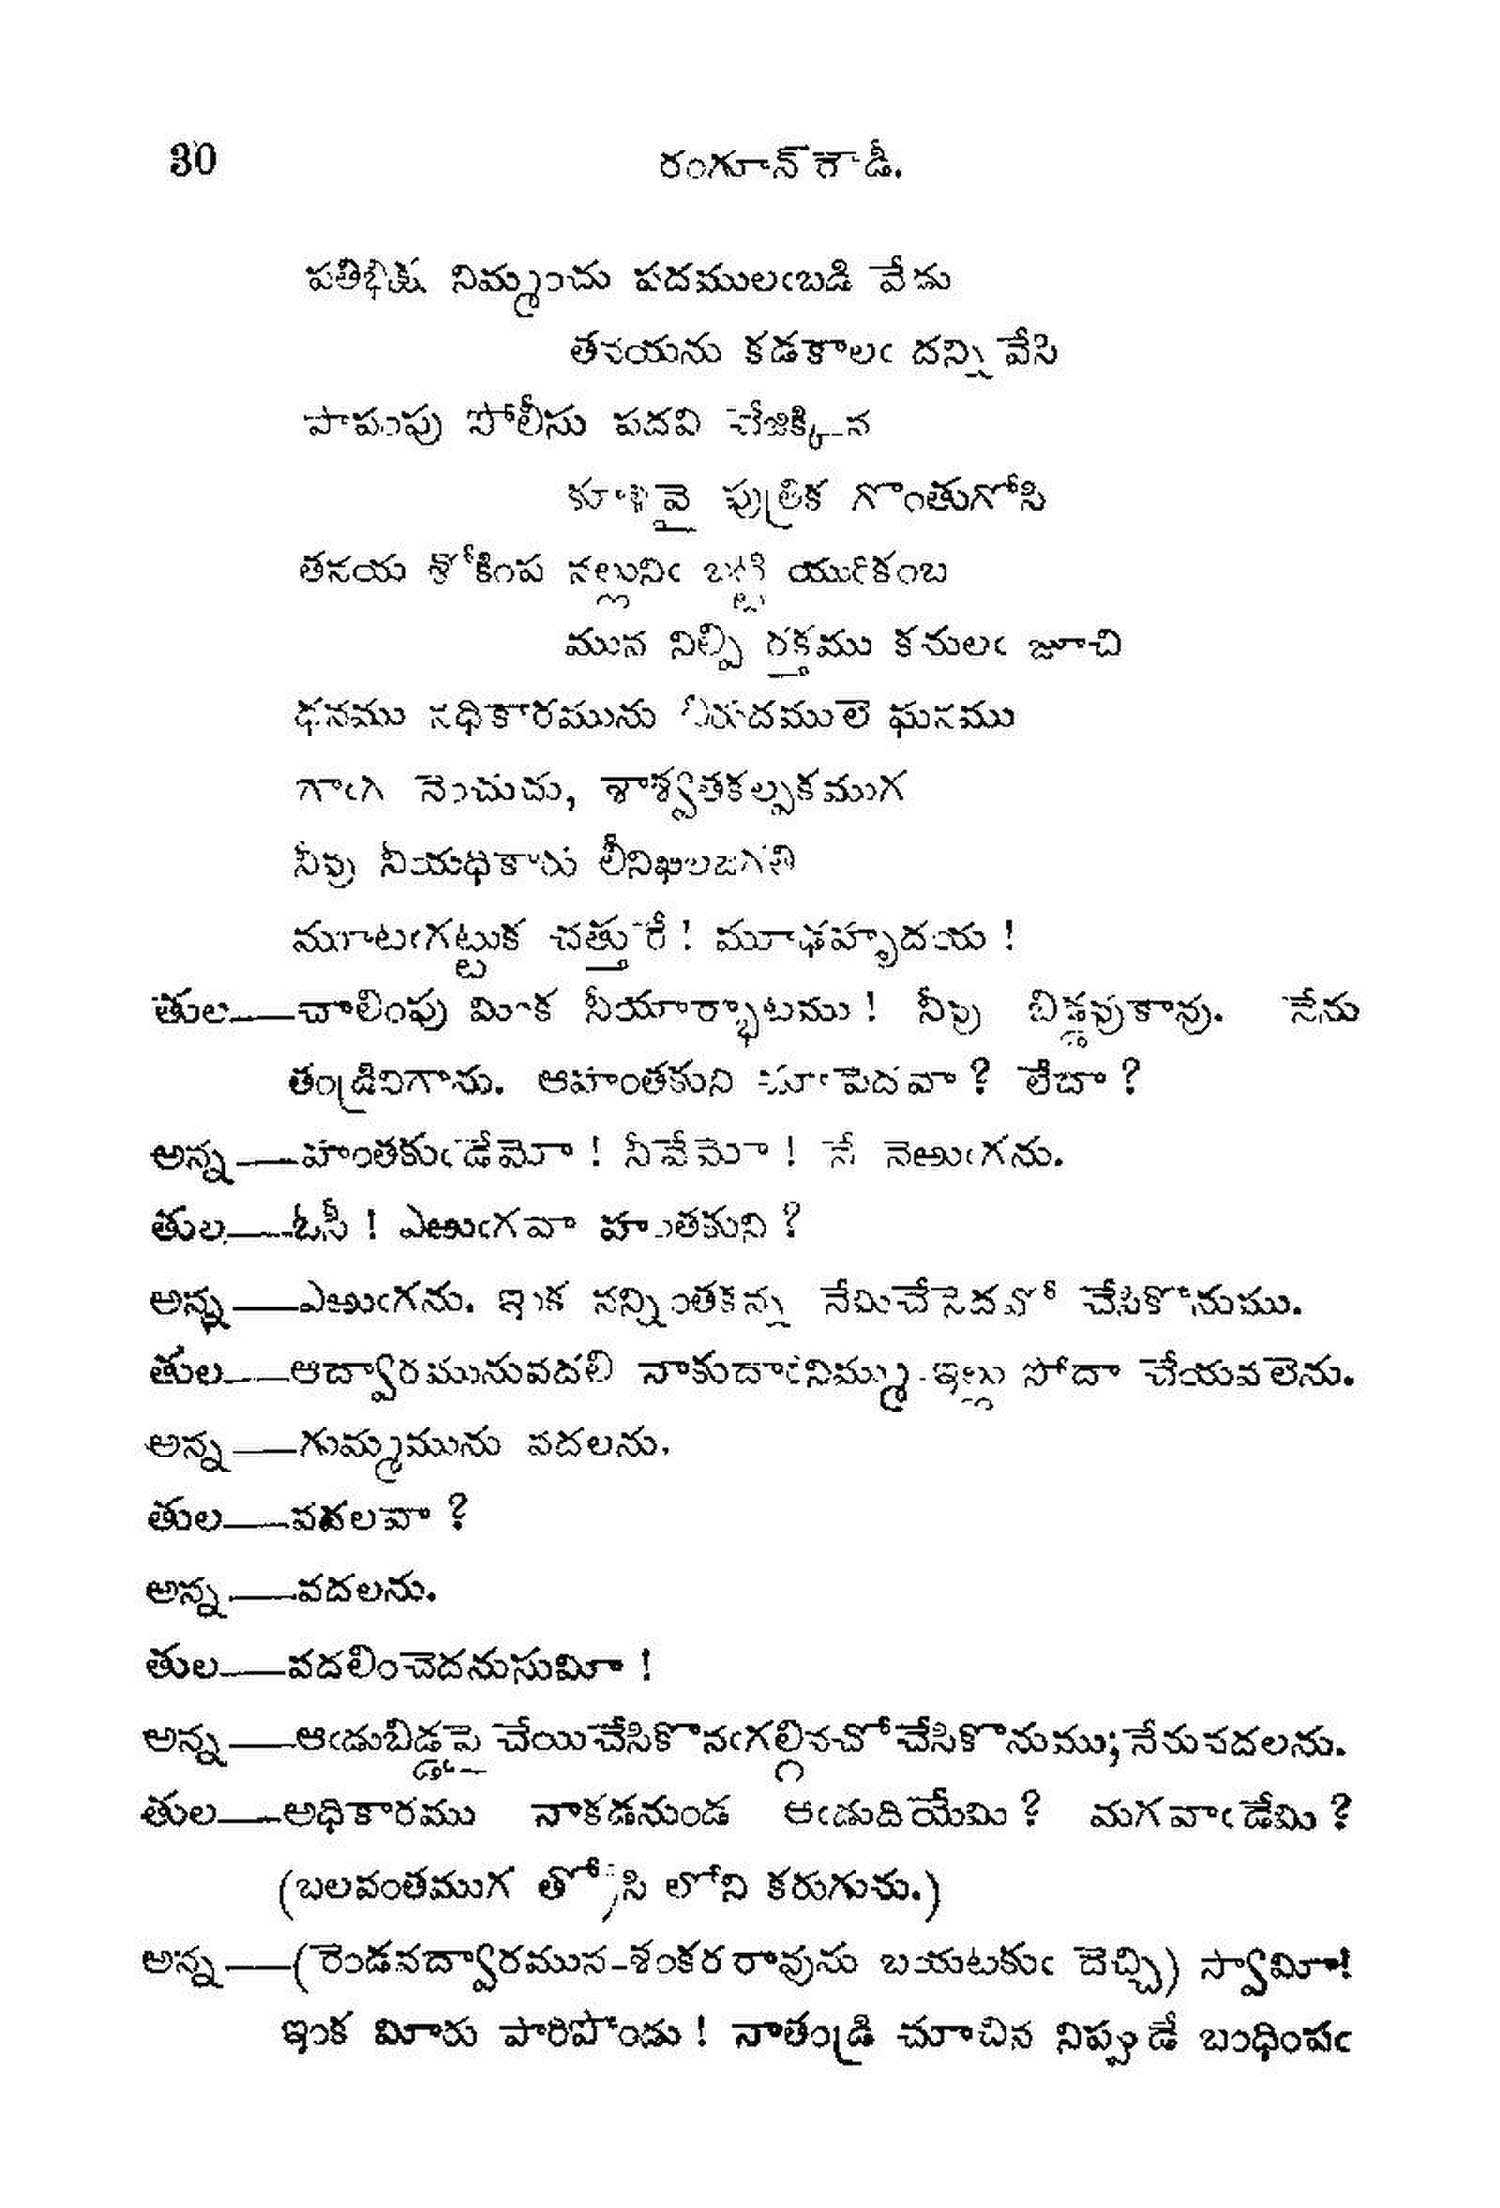పతిభిక్ష నిమ్మంచు పదములఁబడి వేడు
 తనయను కడకాలఁ దన్నివేసి
 పాపంపు పోలీసు పదవి చేజిక్కిన
 కూళవై పుత్రిక గొంతుగోసి
 తనయ శోకింప నల్లునిఁ బట్టి యురికంబ
 మున నిల్పి రక్తము కనులఁ జూచి

 ధనము నధికారమును బిరుదములె ఘనము
 గాఁగ నెంచుచు, శాశ్వతకల్పకముగ
 నీవు నీయధికారు లీనిఖిలజగతి
 మూటగట్టుక చత్తురే ! మూఢహృదయ !
తుల - చాలింపు మింక నీయార్భాటము ! నీవు బిడ్డవుకావు. నేను తండ్రినిగాను. ఆహంతకుని చూపెదవా? లేదా ?

అన్న -- హంతకుఁడేమో ! నీవేమో ! నే నెఱుఁగను.

తుల - ఓసీ ! ఎఱుఁగవా హంతకుని ?

అన్న - ఎఱుఁగను. ఇంక నన్నింతకన్న నేమిచేసేదవో చేసికొనుము.

తుల - ఆద్వారమునువదలి నాకుదారినిమ్మ ఇల్లు సోదా చేయవలెను.

అన్న – గుమ్మమును వదలను,

తుల - వదలవా?

అన్న - వదలను.

తుల - వదలించెదనుసుమీ!

అన్న - ఆఁడుబిడ్డపై చేయిచేసికొనఁగల్గినచో చేసికొనుము; నేనువదలను.

తుల - అధికారము నాకడనుండ ఆఁడుదియేమి ? మగవాఁడేమి?

అన్న — (రెండవద్వారమున శంకరరావును బయటకుఁ దెచ్చి) స్వామీ! ఇంక మీరు పారిపొండు ! నాతండ్రి చూచిన నిప్పుడే బంధింపఁ
ఆఁడుబిడ్డపై